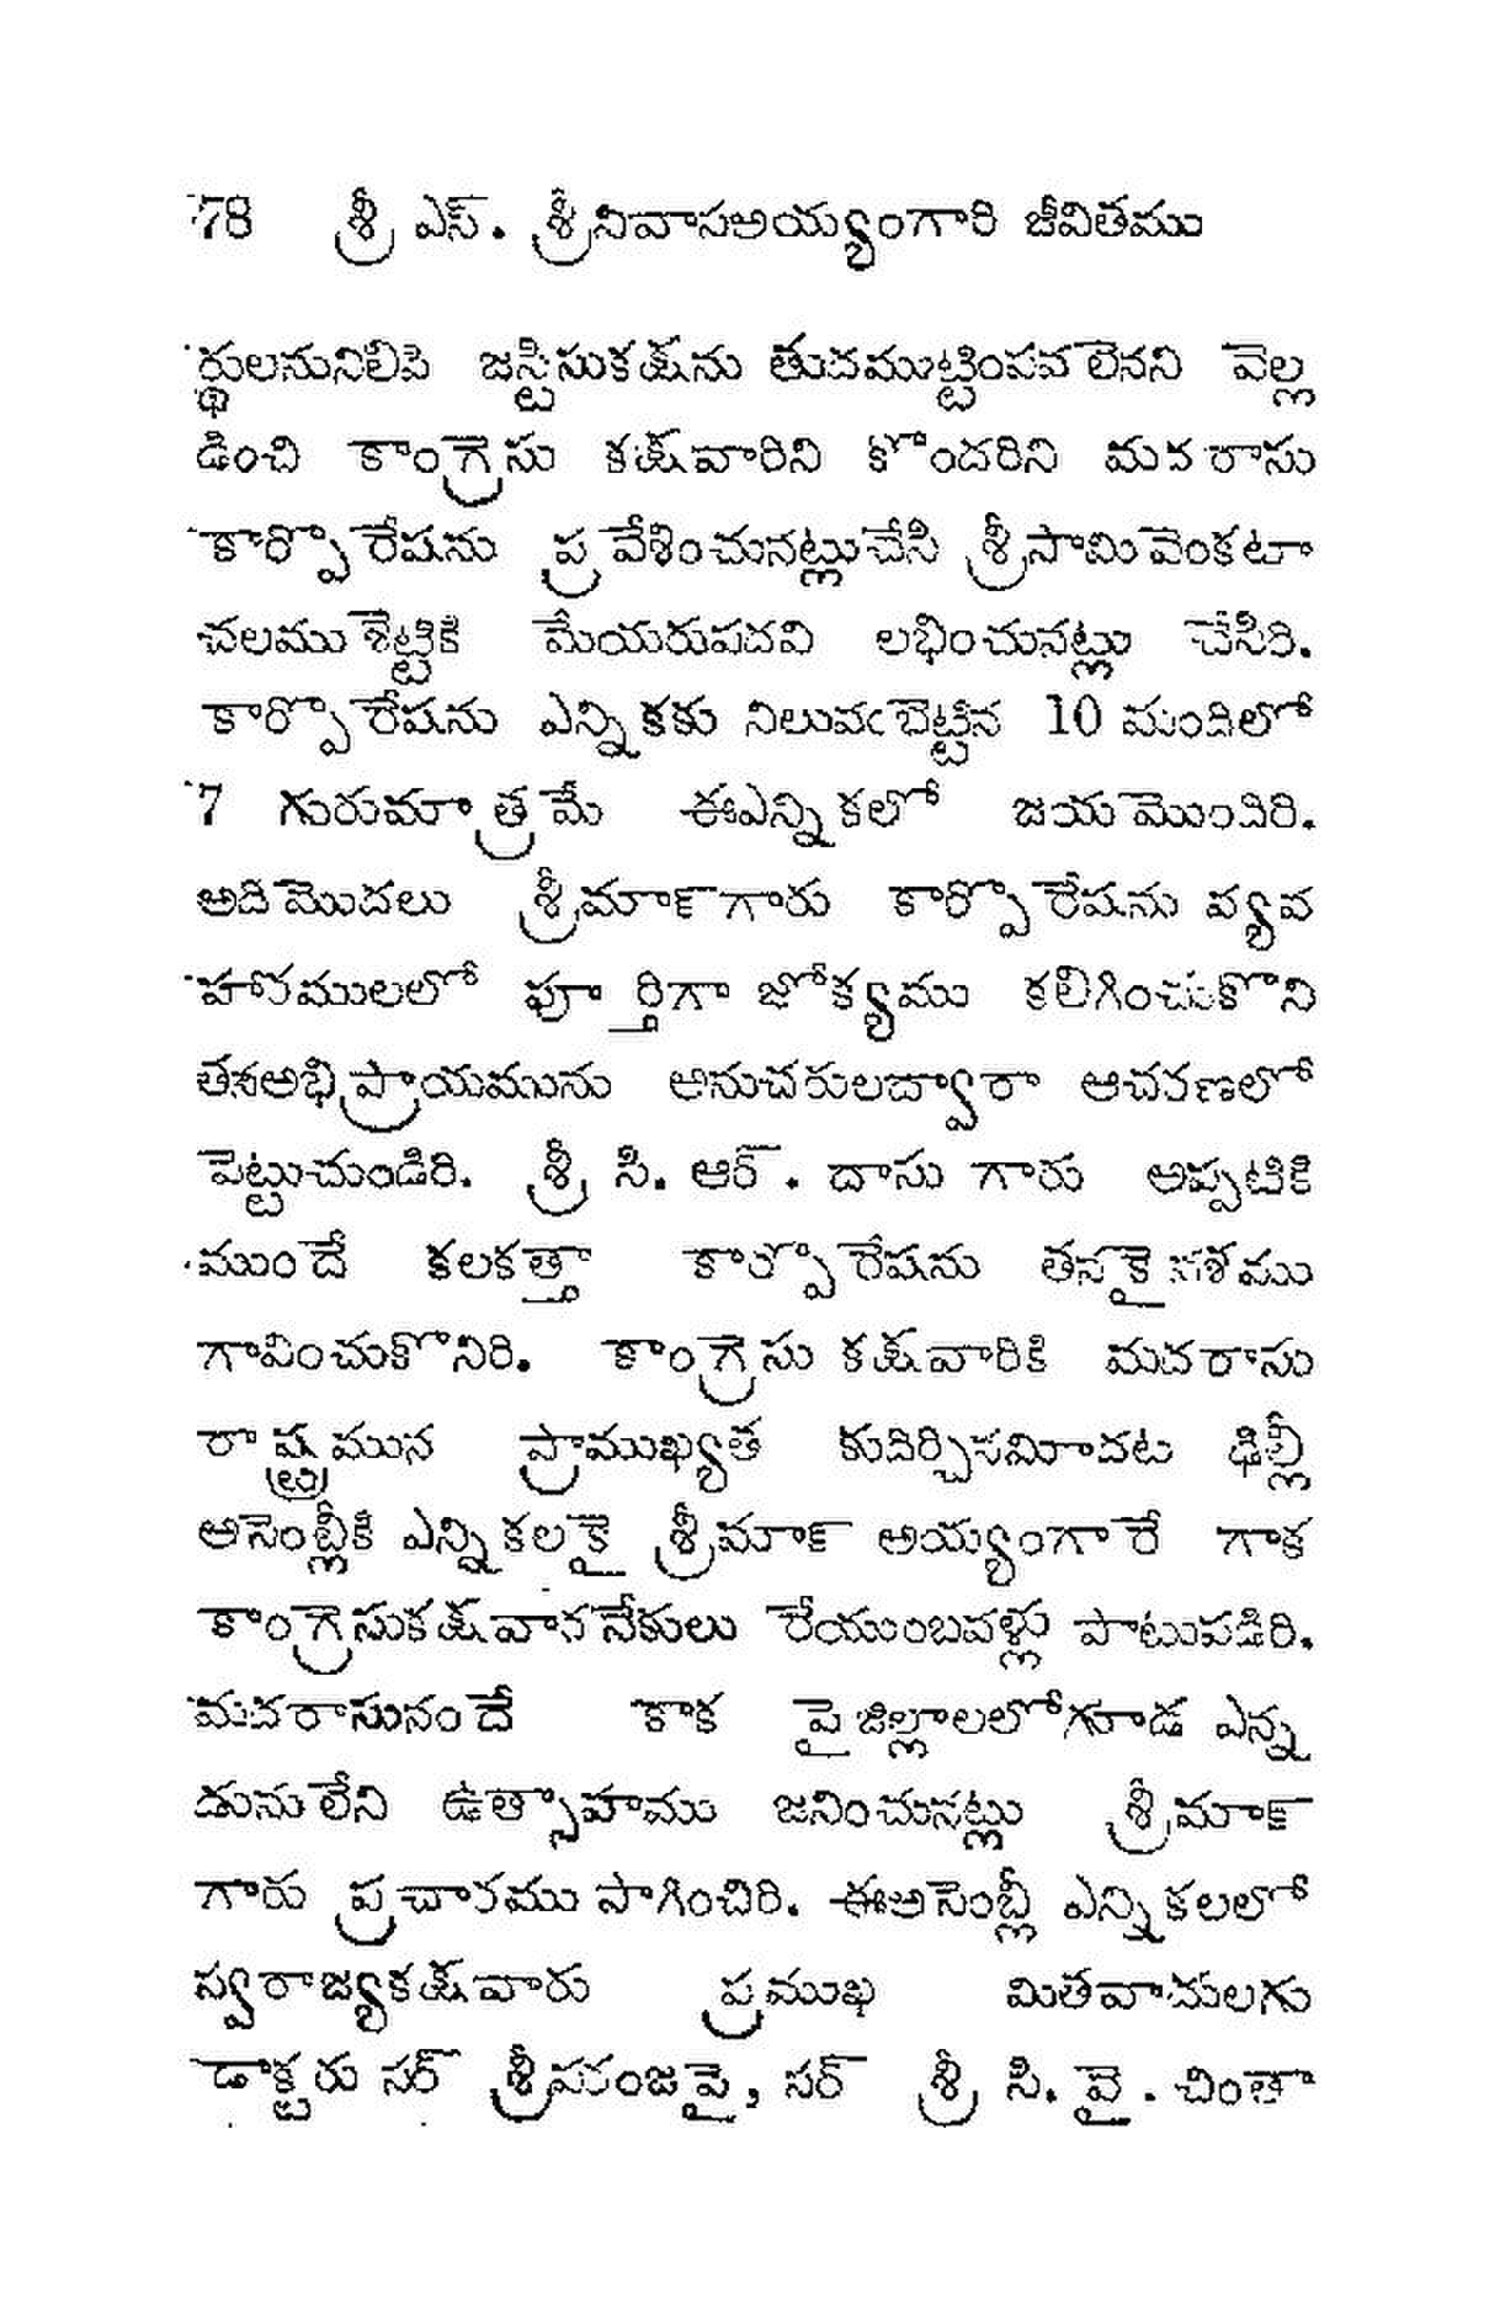ర్థులనునిలిపి జస్టిసుకక్షను తుదముట్టింపవలెనని వెల్లడించి కాంగ్రెసు కక్షవారిని కొందరిని మదరాసు కార్పొరేషను ప్రవేశించునట్లు చేసి శ్రీసామివెంకటాచలముశెట్టికి మేయరుపదవి లభించునట్లు చేసిరి. కార్పొరేషను ఎన్నికకు నిలువఁబెట్టిన 10 మందిలో 7 గురుమాత్రమే ఈఎన్నికలో జయమొందిరి. అదిమొదలు శ్రీమా౯గారు కార్పొరేషను వ్యవహారములలో పూర్తిగా జోక్యము కలిగించుకొని తనఅభిప్రాయమును అనుచరులద్వారా ఆచరణలో పెట్టుచుండిరి. శ్రీ సి. ఆర్. దాసు గారు అప్పటికి ముందే కలకత్తా కార్పోరేషను తనకైవశము గావించుకొనిరి. కాంగ్రెసు కక్షవారికి మదరాసు రాష్ట్రమున ప్రాముఖ్యత కుదిర్చిన మీదట ఢిల్లీ అసెంబ్లీకి ఎన్నికలకై శ్రీమా౯ అయ్యంగారే గాక కాంగ్రెసుకక్షవారనేకులు రేయుంబవళ్లు పాటుపడిరి. మదరాసునందే కాక పై జిల్లాలలోగూడ ఎన్నడునులేని ఉత్సాహము జనించునట్లు శ్రీమా౯గారు ప్రచారముసాగించిరి. ఈ అసెంబ్లీ ఎన్నికలలో స్వరాజ్యకక్షవారు ప్రముఖ మితవాదులగు డాక్టరు సర్ శ్రీపరంజపై , సర్ శ్రీ సి. వై . చింతా